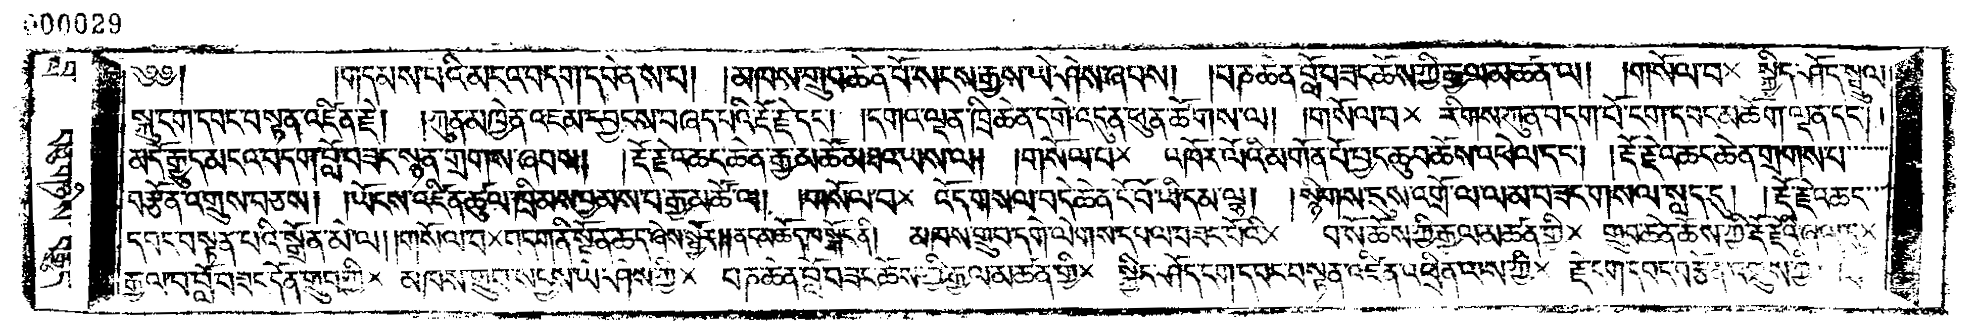༄༅། །གདམས་པའི་མངའ་བདག་དབེན་ས་པ། །མཁས་གྲུབ་ཆེན་པོ་སངས་རྒྱས་ཡེ་ཤེས་ཞབས། །པཎ་ཆེན་བློ་བཟང་ཆོས་ཀྱི་རྒྱལ་མཚན་ལ། །གསོལ་བ྾་སྐྱིད་ཤོད་སྤྲུལ་
སྐུ་ངག་དབང་བསྙན་འཛིན་རྗེ། །ཀུན་མཁྱེན་འཇམ་དབྱངས་བཞད་པའི་རྡོ་རྗེ་དང་། །དགའ་ལྡན་ཁྲི་ཆེན་དགེ་འདུན་ཕུན་ཚོགས་ལ། །གསོལ་བ྾་རིགས་ཀུན་བདག་པོ་ངག་དབང་མཆོག་ལྡན་དང་། །
མདོ་རྒྱུད་མངའ་བདག་བློ་བཟང་སྙན་གྲགས་ཞབས། །རྡོ་རྗེ་འཆང་ཆེན་རྒྱ་མཚོ་མཐའ་ཡས་ལ། །གསོལ་བ྾་འཁོར་ལོའི་མགོན་པོ་བྱང་ཆུབ་ཆོས་འཕེལ་དང་། །རྡོ་རྗེ་འཆང་ཆེན་གྲགས་པ་
བརྩོན་འགྲུས་བཅས། །ཡོངས་འཛིན་ཚུལ་ཁྲིམས་བྱམས་པ་རྒྱ་མཚོ་ལ། །གསོལ་བ྾་འོད་གསལ་བདེ་ཆེན་ངོ་བོ་ཡི་དམ་ལྷ། །སྙིགས་དུས་འགྲོ་ལ་ལམ་བཟང་གསལ་སླད་དུ། །རྡོ་རྗེ་འཆང་
དབང་བསྟན་པའི་སྒྲོན་མེ་ལ། །གསོལ་བ྾་བདག་ནི་སྔོན་ཆད་ཞེས་སྦྱོར། །ནང་མཆོད་ཁ་སྐོང་ནི།  མཁས་གྲུབ་དགེ་ལེགས་དཔལ་བཟང་པོའི྾་བ་སོ་ཆོས་ཀྱི་རྒྱལ་མཚན་གྱི྾་གྲུབ་ཆེན་ཆོས་ཀྱི་རྡོ་རྗེའི་ཞལ་དུ྾་
རྒྱལ་བ་བློ་བཟང་དོན་གྲུབ་ཀྱི྾་མཁས་གྲུབ་སངས་རྒྱས་ཡེ་ཤེས་ཀྱི྾་པཎ་ཆེན་བློ་བཟང་ཆོས་ཀྱི་རྒྱལ་མཚན་གྱི྾་སྐྱིད་ཤོད་ངག་དབང་བསྟན་འཛིན་འཕྲིན་ལས་ཀྱི྾་རྗེ་ངག་དབང་བརྩོན་འགྲུས་ཀྱི་྾་ཁྲི་